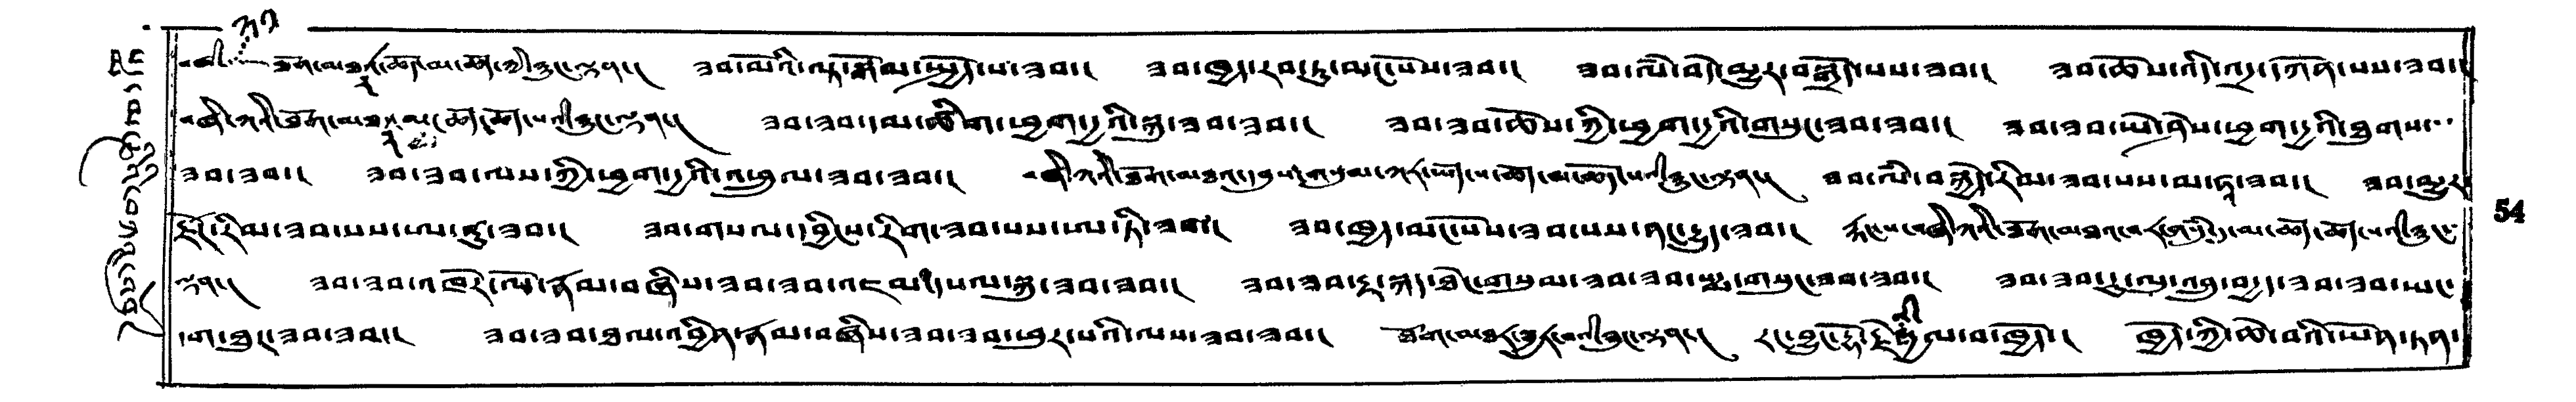བཞི་ཀའི་ཐོག་མཐའ་ཆོད་མ་ཆོད་ཀྱི་ཟུང་ལྡན། ཟབ་མོའི་ལྟ་སྒོམ་སྤྱོད་པ་ཟབ། །ཟབ་ཁྱད་རབ་ཏུ་མང་པོས་ཟབ། །ཟབ་ལམ་བདེ་མྱུར་བགྲོད་པ་ཟབ། །ཟབ་ཆོས་འདི་འདྲ་དཀོན་པས་ཟབ། ། 
བཞི་ཀའི་ཐོག་མཐའ་མ་ཆོད་ཆོད་པའི་ཟུང་ལྡན། ཟབ་ཟབ་དམ་ཚིག་ཕྱག་རྒྱའི་སྐུ་ཟབ་ཟབ། །ཟབ་ཟབ་ཆོས་ཀྱི་ཕྱག་རྒྱའི་གསུང་ཟབ་ཟབ། །ཟབ་ཟབ་ཡེ་ཤེས་ཕྱག་རྒྱའི་ཐུགས་
ཟབ་ཟབ། །ཟབ་ཟབ་ལས་ཀྱི་ཕྱག་རྒྱའི་འཕྲུལ་ཟབ་ཟབ། ། བཞི་ཀའི་ཐོག་མཐའ་དབུས་གསུམ་ཀར་ཡོད་པ་ཆོད་མ་ཆོད་པའི་ཟུང་ལྡན། ཟབ་ལམ་བསྐྱེད་རིམ་ཟབ་པས་མ་ཧཱ་ཟབ། །ཟབ་མྱུར་
རྫོགས་རིམ་ཟབ་པས་ཨ་ནུ་ཟབ། །ཟབ་གསལ་དབྱིངས་རིག་ཟབ་པས་ཨ་ཏི་ཟབ། །ཟབ་ཁྱད་མང་པོས་ཟབ་པས་ནང་རྒྱུད་ཟབ། །རྐང་པ་བཞི་ཀའི་ཐོག་མཐའ་བར་གསུམ་དུ་མ་ཆོད་ཆོད་པའི་ཟུང་
ལྡན། ཟབ་ཟབ་འཁོར་ལོ་རྣམ་བཞིས་ཟབ་ཟབ་འཇམ་དཔལ་སྐུ་ཟབ་ཟབ། །ཟབ་ཟབ་རྟ་སྐད་ཐེངས་གསུམ་ཟབ་ཟབ་པདྨ་གསུང་ཟབ་ཟབ། །ཟབ་ཟབ་རུ་ལུ་འབྲུ་བརྒྱད་ཟབ་ཟབ་ཡང་
དག་ཐུགས་ཟབ་ཟབ། །ཟབ་ཟབ་ཐལ་འབྱིན་རྣམ་བཞི་ཟབ་ཟབ་ཕུར་པའི་ལས་ཟབ་ཟབ། ། ཐོག་མཐར་སྦྱར་བའི་ཟུང་ལྡན། རང་བྱུང་རྡོ་རྗེའི་རྒྱལ་བ་ཁྱོད། །ཁྱོད་ཀྱི་ཆེ་བའི་ཡོན་ཏན་